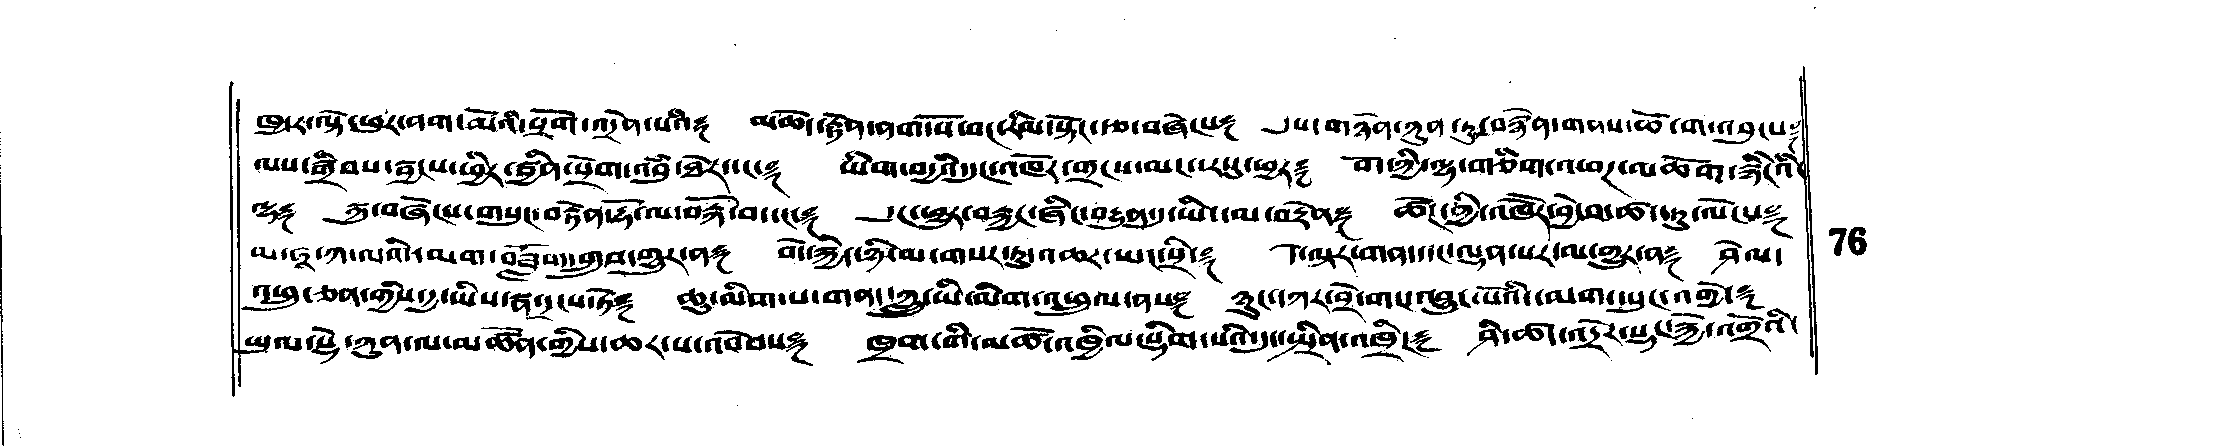ཁྱད་པར་ལྟོ་ཕུར་ནག་མོའི་སྲོག་འདྲེན་པའི། །མཆོད་རྟེན་ནག་པོ་བང་རིམ་སྟོང་རྩ་བཞེངས། །དུས་གཉེན་ཀུན་ཏུ་བསྙེན་གནས་ཆོ་ག་འབུངས། །
ལས་སྒྲིབ་སྦྱངས་ཕྱིར་སྦྱིན་སྲེག་འབུམ་ཐེར་དང་། །ཡིག་བརྒྱའི་དུང་འཁོར་གྲངས་མང་དར་དུ་ཕྱར། །བོད་ཀྱི་ལྷ་གཅིག་འཕགས་མཆོག་སྙིང་རྗེའི་
ལྷ། །སྐུ་བཞེངས་གསུང་རྟེན་རྡོ་ལ་བརྐོ་བ་དང་། །དུང་ཕྱུར་བརྐྱང་༼བསྐྱར་?༽ཞིང་རྒྱུན་དུ་ཡི་དམ་བརྟེན། །ཚོགས་ཀྱི་འཁོར་ལོར་བྱེ་བ་ཚད་དུ་ལོངས། །
མ་ཧཱ་ཀ་ལའི་དམག་བཟློག་གྲུབ་གྱུར་ན། །བདེ་སྐྱིད་ཉི་མ་གསར་དུ་འཆར་ཡང་སྲིད། །དེ་ལྟར་གནད་དང་ལྡན་པར་མ་གྱུར་ན། །ཤེལ་
འཕྲུ་ཅན་གྱིས་རྒྱ་ཡིས་སྣ་དྲངས་ཏེ། །ཆུ་མིག་ས་གནད་ཀླུ་ཡི་མིག་འཕྲུལ་ནས། །ཉུང་དཀར་བྲེ་གང་འབྱུང་པོའི་དམག་དཔུང་འགྱེད། །
ཡུལ་སྡེ་ཀུན་ལ་མཚོན་གྱིས་ཆར་པ་འབེབས།ཁྲག་གི་མཚོ་འཁྱིལ་སྡིག་པའི་དུད་སྤྲིན་འཁྲིགས། །ཤི་ཚད་འདྲེར་སྡང་སྐྱེ་འགྲོའི་